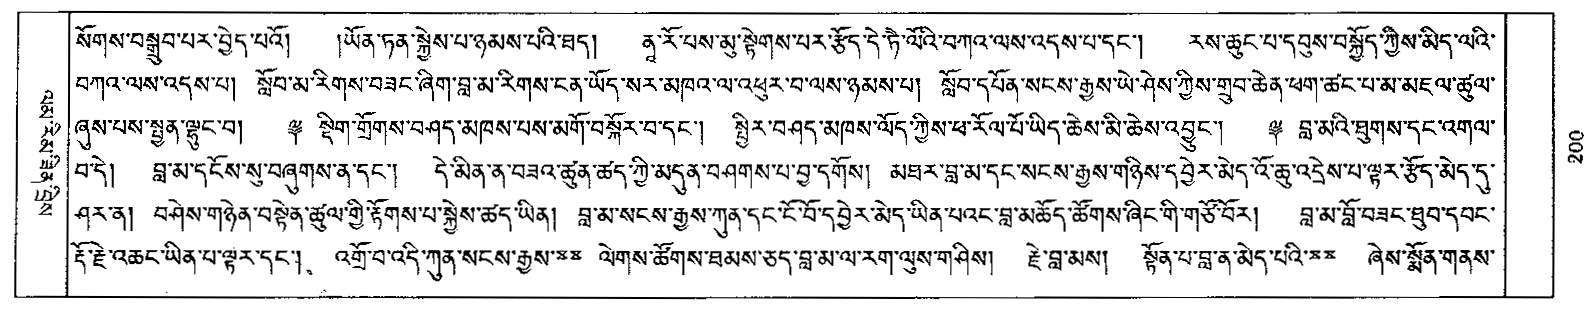སོགས་བསྒྲུབ་པར་བྱེད་པའོ། །ཡོན་ཏན་སྐྱེས་པ་ཉམས་པའི་ཐད། ནཱ་རོ་པས་མུ་སྟེགས་པར་རྩོད་དེ་ཏཻ་ལོའི་བཀའ་ལས་འདས་པ་དང་། རས་ཆུང་པ་དབུས་བསྐྱོད་ཀྱིས་མིད་ལའི་
བཀའ་ལས་འདས་པ། སློབ་མ་རིགས་བཟང་ཞིག་བླ་མ་རིགས་ངན་ཡོད་སར་མཁའ་ལ་འཕུར་བ་ལས་ཉམས་པ། སློབ་དཔོན་སངས་རྒྱས་ཡེ་ཤེས་ཀྱིས་གྲུབ་ཆེན་ཕག་ཚང་པ་མ་མཇལ་ཚུལ་
ཞུས་པས་སྤྱན་ལྷུང་བ། ༈ སྡིག་གྲོགས་བཤད་མཁས་པས་མགོ་བསྐོར་བ་དང་། སྤྱིར་བཤད་མཁས་ལོད་ཀྱིས་ཕ་རོལ་པོ་ཡིད་ཆེས་མི་ཆེས་འབྱུང་། ༈ བླ་མའི་ཐུགས་དང་འགལ་
བ་དེ། བླ་མ་དངོས་སུ་བཞུགས་ན་དང་། དེ་མིན་ན་བཟའ་ཚུན་ཚད་ཀྱི་མདུན་བཤགས་པ་བྱ་དགོས། མཐར་བླ་མ་དང་སངས་རྒྱས་གཉིས་དབྱེར་མེད་འོ་ཆུ་འདྲེས་པ་ལྟར་རྩོད་མེད་དུ་
ཤར་ན། བཤེས་གཉེན་བསྟེན་ཚུལ་གྱི་རྟོགས་པ་སྐྱེས་ཚད་ཡིན། བླ་མ་སངས་རྒྱས་ཀུན་དང་ངོ་བོ་དབྱེར་མེད་ཡིན་པའང་བླ་མཆོད་ཚོགས་ཞིང་གི་གཙོ་བོར། བླ་མ་བློ་བཟང་ཐུབ་དབང་
རྡོ་རྗེ་འཆང་ཡིན་པ་ལྟར་དང་། འགྲོ་བ་འདི་ཀུན་སངས་རྒྱས་྾྾་ལེགས་ཚོགས་ཐམས་ཅད་བླ་མ་ལ་རག་ལུས་གཤིས། རྗེ་བླ་མས། སྟོན་པ་བླ་ན་མེད་པའི་྾྾་ཞེས་སྨོན་གནས་